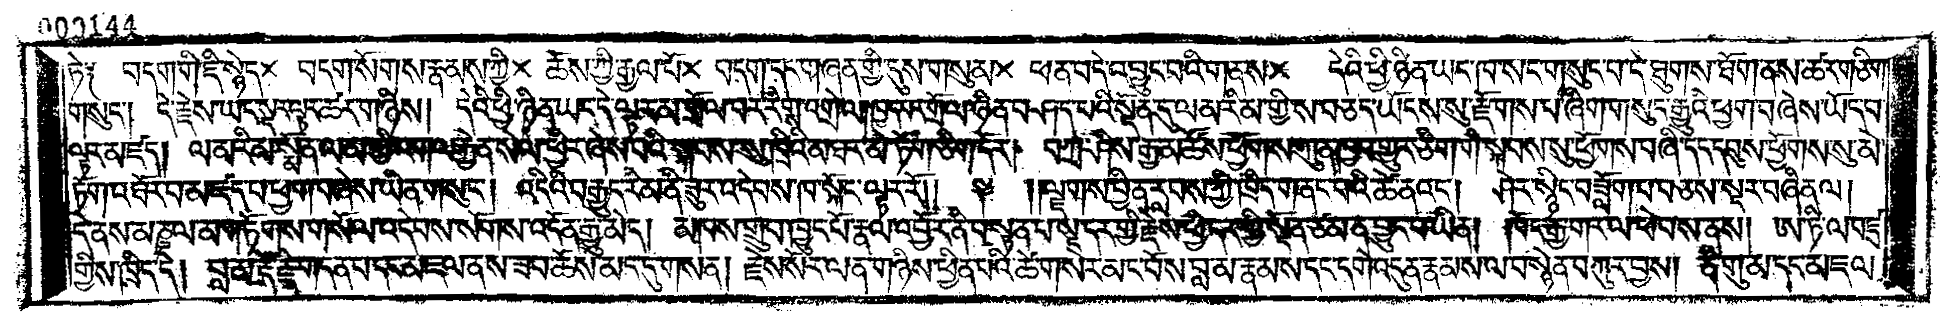ཏེ༑ བདག་གི་ཇི་སྙེད྾་བདག་སོགས་རྣམས་ཀྱི྾་ཆོས་ཀྱི་རྒྱལ་པོ྾་བདག་དང་གཞན་གྱི་དུས་གསུམ྾་ཕན་བདེ་འབྱུང་བའི་གནས྾་དེའི་ཕྱི་ཉིན་ཡང་ཁ་སང་གསུང་བ་དེ་ཐུགས་ཐོག་ནས་ཚར་གཅིག་
གསུང་། དེ་རྗེས་ཡང་སྔར་ལྟར་ཚར་གཉིས། དེའི་ཕྱི་ཉིན་ཡང་དེ་ལྟར་མ་གྲོལ་བར་རིགས་འགྲེལ། ཁྱད་པར་གྲོལ་ཉིན་བཤད་པའི་སྔོན་དུ་ལམ་རིམ་གྱི་ས་བཅད་ཡོངས་སུ་རྫོགས་པ་ཞིག་གསུང་རྒྱུའི་ཕྱག་བཞེས་ཡོད་པ་
ལྟར་མཛད། ལམ་རིམ་སྨོན་ལམ་གྱི་འགལ་རྐྱེན་སེལ་ཕྱིར་ཞེས་པའི་སྐབས་སུ་ཁྲིའི་མཐར་མེ་ཏོག་ཅིག་དོར། བཀྲ་ཤིས་རྒྱ་མཚོས་ཕྱོགས་ཀུན་ཁྱབ་གྱུར་ཅིག་གི་སྐབས་སུ་ཕྱོགས་བཞི་དང་དབུས་ཕྱོགས་སུ་མེ་
ཏོག་འཐོར་བ་མཛད་པ་ཕྱག་བཞེས་ཡིན་གསུང་། འདིའི་བརྒྱུད་རིམ་ནི་ཟུར་འདེབས་ཁ་སྐོང་ལྟར་རོ།། ༈ །།ལྗགས་བྱིན་རླབས་ཀྱི་ཁྲིད་གནང་བའི་ཚེ་ནའང་། ཤེར་སྙིང་བཟློག་པ་བཅས་སྔར་བཞིན་ལ།
དེ་ནས་མཎྜལ་མ་གཏོགས་གསོལ་འདེབས་སོགས་འདོན་རྒྱུ་མེད། མཁས་གྲུབ་ཁྱུང་པོ་རྣལ་འབྱོར་ནི་བསྟན་པ་སྔ་དར་གྱི་རྗེས་ཕྱི་དར་གྱི་སྔོན་ཙམ་ན་བྱུང་བ་ཡིན། ཁོང་རྒྱ་གར་ལ་ཕེབས་ནས། ཨ་ཏི་ལ་བཛྲ་
གྱིས་ཁྲིད་དེ། བླ་མ་རྡོ་རྗེ་གདན་པ་དང་མཇལ་ནས་ཟབ་ཆོས་མང་དུ་གསན། རྗེས་སོར་ལན་གཉིས་ཕྱིན་པའི་ཚེ་གསེར་མང་པོས་བླ་མ་རྣམས་དང་དགེ་འདུན་རྣམས་ལ་བསྙེན་བཀུར་བྱས། ནི་གུ་མ་དང་མཇལ་